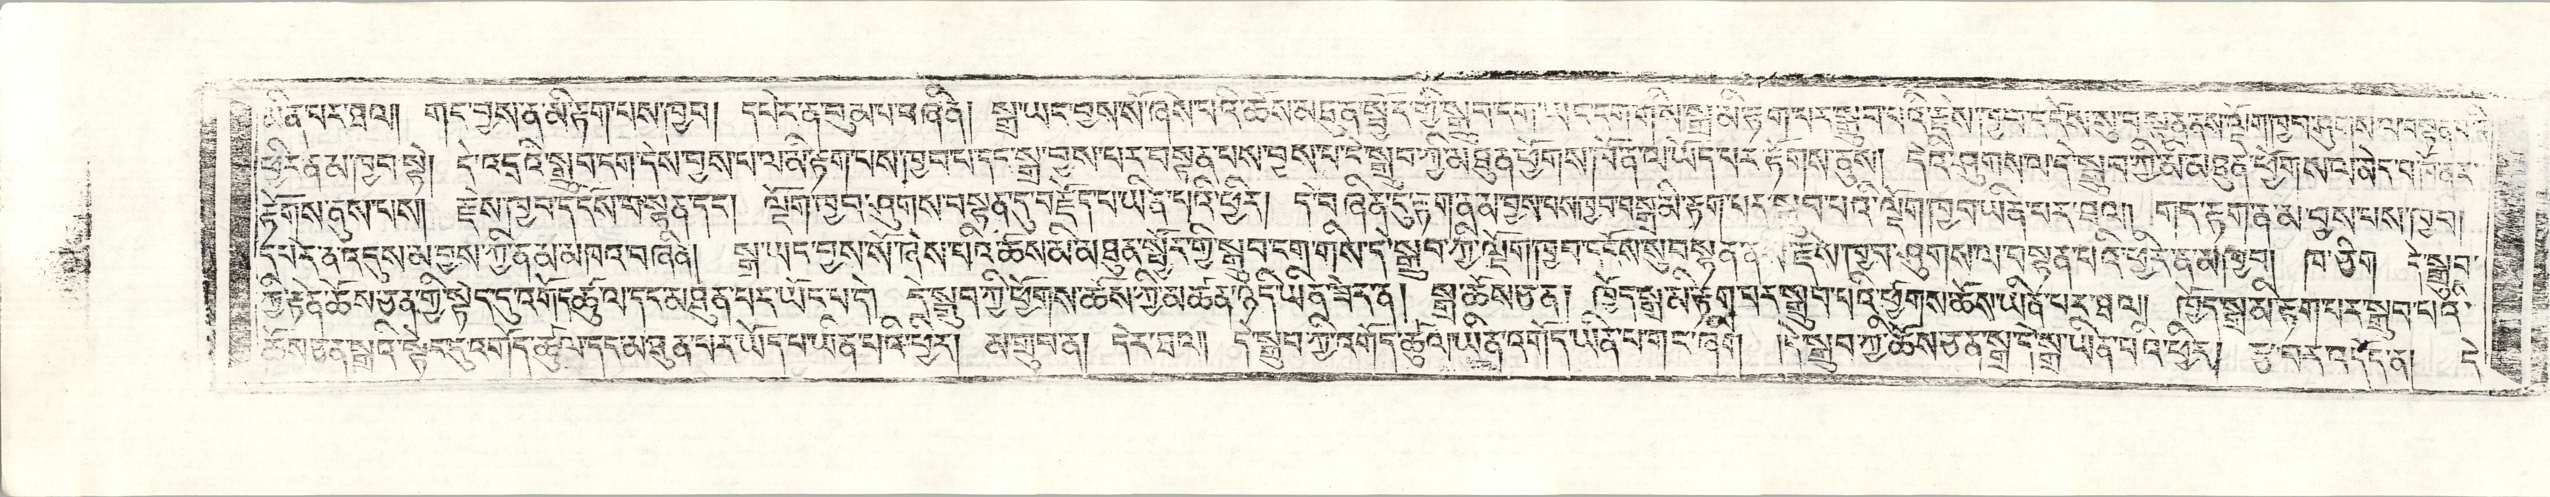ཡིན་པར་ཐལ། གང་བྱས་ན་མི་རྟག་པས་ཁྱབ། དཔེར་ན་བུམ་པ་བཞིན། སྒྲ་ཡང་བྱས་སོ་ཞེས་པའི་ཆོས་མཐུན་སྦྱོར་གྱི་སྒྲུབ་ངག་ཡང་དག་གིས་སྒྲ་མི་རྟག་པར་སྒྲུབ་པའི་རྗེས་ཁྱབ་དངོས་སུ་བསྟན་ནས་ལྡོག་ཁྱབ་ཤུགས་ལ་བསྟན་པའི་
ཕྱིར་ན་མ་ཁྱབ་སྟེ། དེ་འདྲའི་སྒྲུབ་ངག་དེས་བྱས་པ་ལ་མི་རྟག་པས་ཁྱབ་པ་དང་སྒྲ་བྱས་པར་བསྟན་པས་བྱས་པ་དེ་སྒྲུབ་ཀྱི་མཐུན་ཕྱོགས་ཁོ་ན་ལ་ཡོད་པར་རྟོགས་ནུས། དེའི་ཤུགས་ལ་དེ་སྒྲུབ་ཀྱི་མི་མཐུན་ཕྱོགས་ལ་མེད་པ་ཁོ་ནར་
རྟོགས་ནུས་པས། རྗེས་ཁྱབ་དངོས་བསྟན་དང་། ལྡོག་ཁྱབ་ཤུགས་བསྟན་དུ་བརྗོད་པ་ཡིན་པའི་ཕྱིར། དེ་བཞིན་དུ་རྟག་ན་མ་བྱས་པས་ཁྱབ་པ་སྒྲ་མི་རྟག་པར་སྒྲུབ་པའི་ལྡོག་ཁྱབ་ཡིན་པར་ཐལ། གང་རྟག་ན་མ་བྱས་པས་ཁྱབ།
དཔེར་ན་འདུས་མ་བྱས་ཀྱི་ནམ་མཁའ་བཞིན། སྒྲ་ཡང་བྱས་སོ་ཞེས་པའི་ཆོས་མི་མཐུན་སྦྱོར་གྱི་སྒྲུབ་ངག་གིས་དེ་སྒྲུབ་ཀྱི་ལྡོག་ཁྱབ་དངོས་སུ་བསྟན་ནས་རྗེས་ཁྱབ་ཤུགས་ལ་བསྟན་པའི་ཕྱིར་ན་མ་ཁྱབ། ཁ་ཅིག །དེ་སྒྲུབ་
ཀྱི་རྟེན་ཆོས་ཅན་གྱི་སྟེང་དུ་འགོད་ཚུལ་དང་མཐུན་པར་ཡོད་པ་དེ། དེ་སྒྲུབ་ཀྱི་ཕྱོགས་ཆོས་ཀྱི་མཚན་ཉིད་ཡིན་ཟེར་ན། སྒྲ་ཆོས་ཅན། ཁྱོད་སྒྲ་མི་རྟག་པར་སྒྲུབ་པའི་ཕྱོགས་ཆོས་ཡིན་པར་ཐལ། ཁྱོད་སྒྲ་མི་རྟག་པར་སྒྲུབ་པའི་
ཆོས་ཅན་སྒྲའི་སྟེང་དུ་འགོད་ཚུལ་དང་མཐུན་པར་ཡོད་པ་ཡིན་པའི་ཕྱིར། མ་གྲུབ་ན། དེར་ཐལ། དེ་སྒྲུབ་ཀྱི་འགོད་ཚུལ་ཡིན་འགོད་ཡིན་པ་གང་ཞིག །དེ་སྒྲུབ་ཀྱི་ཆོས་ཅན་སྒྲ་དེ་སྒྲ་ཡིན་པའི་ཕྱིར། རྩ་བར་འདོད་ན། དེ་